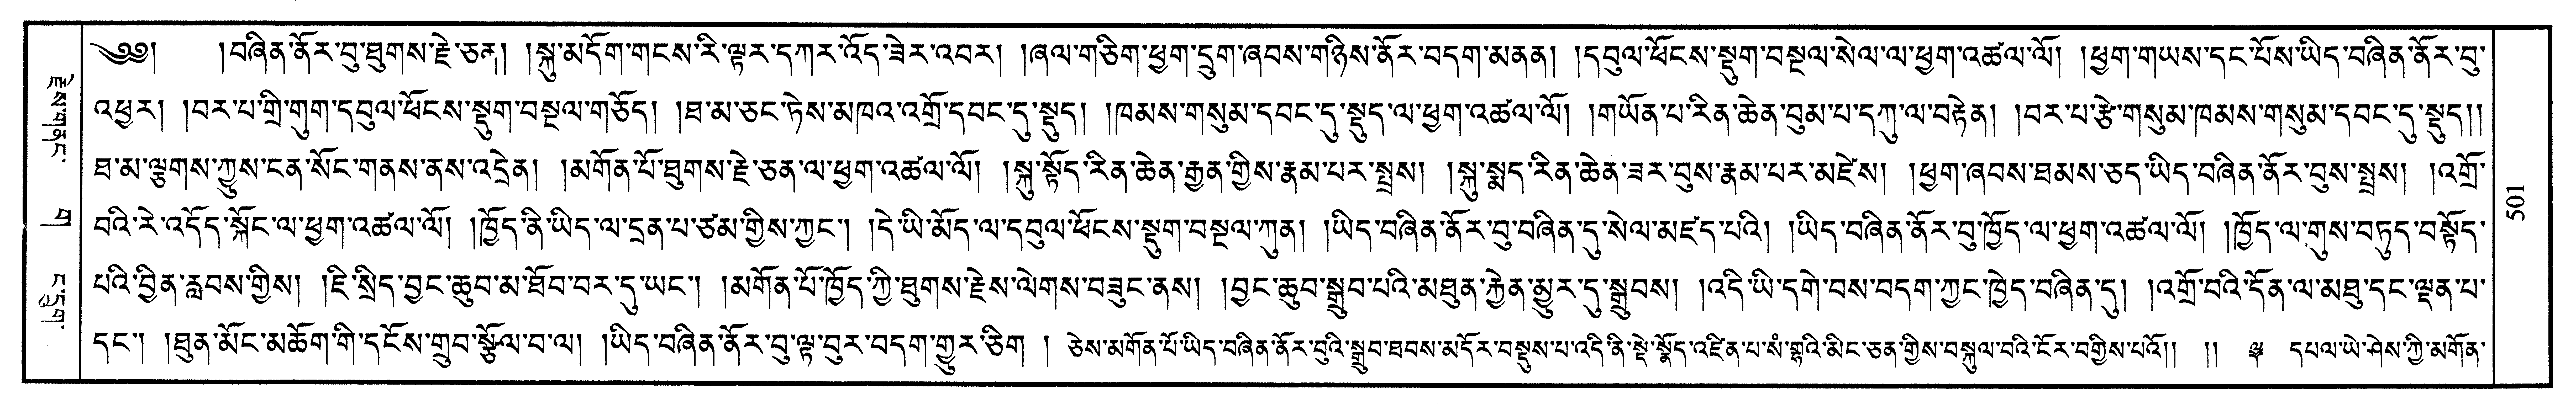༄༅། །བཞིན་ནོར་བུ་ཐུགས་རྗེ་ཅན། །སྐུ་མདོག་གངས་རི་ལྟར་དཀར་འོད་ཟེར་འབར། །ཞལ་གཅིག་ཕྱག་དྲུག་ཞབས་གཉིས་ནོར་བདག་མནན། །དབུལ་ཕོངས་སྡུག་བསྔལ་སེལ་ལ་ཕྱག་འཚལ་ལོ། །ཕྱག་གཡས་དང་པོས་ཡིད་བཞིན་ནོར་བུ་
འཕྱར། །བར་པ་གྲི་གུག་དབུལ་ཕོངས་སྡུག་བསྔལ་གཅོད། །ཐ་མ་ཅང་ཏེས་མཁའ་འགྲོ་དབང་དུ་སྡུད། །ཁམས་གསུམ་དབང་དུ་སྡུད་ལ་ཕྱག་འཚལ་ལོ། །གཡོན་པ་རིན་ཆེན་བུམ་པ་དཀུ་ལ་བརྟེན། །བར་པ་རྩེ་གསུམ་ཁམས་གསུམ་དབང་དུ་སྡུད། །
ཐ་མ་ལྕགས་ཀྱུས་ངན་སོང་གནས་ནས་འདྲེན། །མགོན་པོ་ཐུགས་རྗེ་ཅན་ལ་ཕྱག་འཚལ་ལོ། །སྐུ་སྟོད་རིན་ཆེན་རྒྱན་གྱིས་རྣམ་པར་སྤྲས། །སྐུ་སྨད་རིན་ཆེན་ཟར་བུས་རྣམ་པར་མཛེས། །ཕྱག་ཞབས་ཐམས་ཅད་ཡིད་བཞིན་ནོར་བུས་སྤྲས། །འགྲོ་
བའི་རེ་འདོད་སྐོང་ལ་ཕྱག་འཚལ་ལོ། །ཁྱོད་ནི་ཡིད་ལ་དྲན་པ་ཙམ་གྱིས་ཀྱང་། །དེ་ཡི་མོད་ལ་དབུལ་ཕོངས་སྡུག་བསྔལ་ཀུན། །ཡིད་བཞིན་ནོར་བུ་བཞིན་དུ་སེལ་མཛད་པའི། །ཡིད་བཞིན་ནོར་བུ་ཁྱོད་ལ་ཕྱག་འཚལ་ལོ། །ཁྱོད་ལ་གུས་བཏུད་བསྟོད་
པའི་བྱིན་རླབས་གྱིས། །ཇི་སྲིད་བྱང་ཆུབ་མ་ཐོབ་བར་དུ་ཡང་། །མགོན་པོ་ཁྱོད་ཀྱི་ཐུགས་རྗེས་ལེགས་བཟུང་ནས། །བྱང་ཆུབ་སྒྲུབ་པའི་མཐུན་རྐྱེན་མྱུར་དུ་སྒྲུབས། །འདི་ཡི་དགེ་བས་བདག་ཀྱང་ཁྱེད་བཞིན་དུ། །འགྲོ་བའི་དོན་ལ་མཐུ་དང་ལྡན་པ་
དང་། །ཐུན་མོང་མཆོག་གི་དངོས་གྲུབ་སྩོལ་བ་ལ། །ཡིད་བཞིན་ནོར་བུ་ལྟ་བུར་བདག་གྱུར་ཅིག །ཅེས་མགོན་པོ་ཡིད་བཞིན་ནོར་བུའི་སྒྲུབ་ཐབས་མདོར་བསྡུས་པ་འདི་ནི་སྡེ་སྣོད་འཛིན་པ་སཾ་གྷའི་མིང་ཅན་གྱིས་བསྐུལ་བའི་ངོར་བགྱིས་པའོ།། །། ༈ དཔལ་ཡེ་ཤེས་ཀྱི་མགོན་